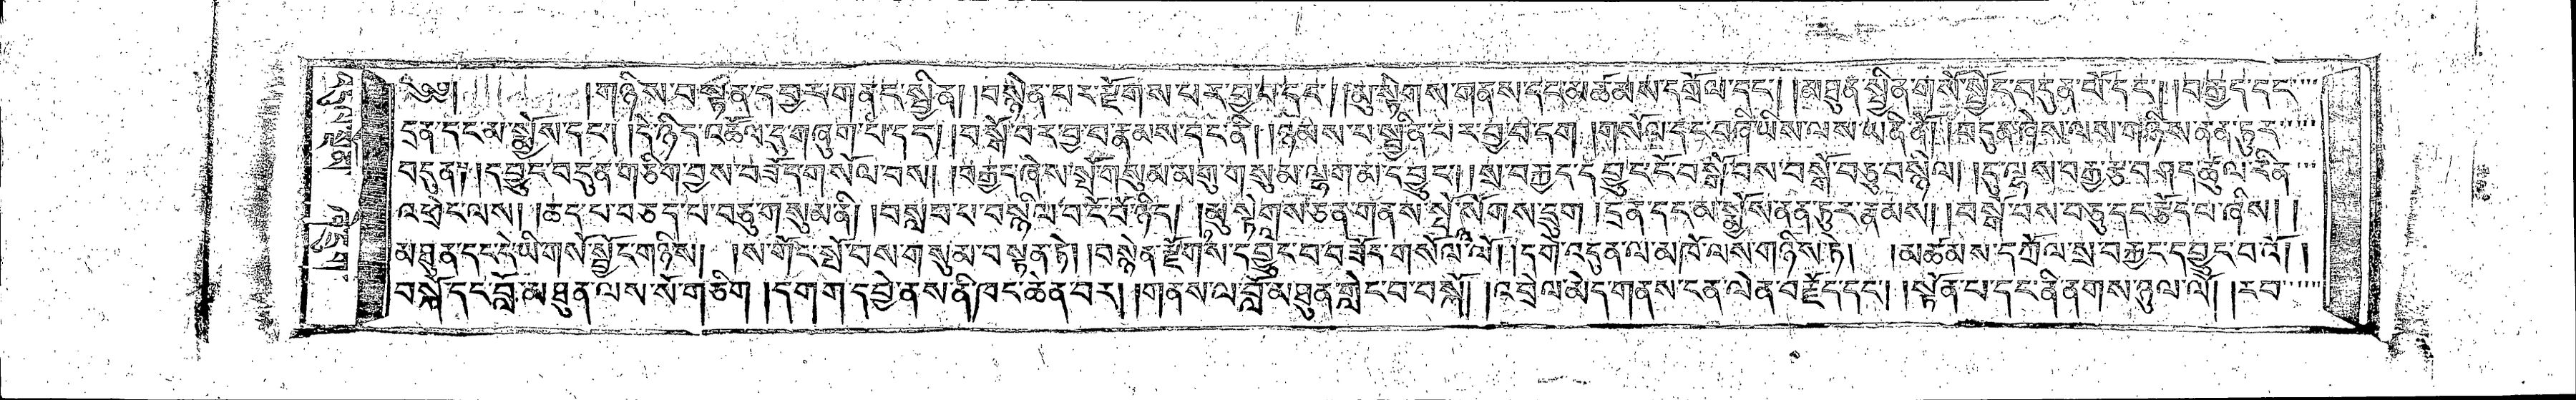༄༅། །གཉིས་བསྟན་དབྱར་གནང་སྦྱིན། །བསྙེན་པར་རྫོགས་པར་བྱ་བ་དང་། །མུ་སྟེགས་གནས་དང་མཚམས་དགྲོལ་དང་། །མཐུན་སྦྱིན་གསོ་སྦྱོང་བདུན་པོ་དང་། །བརྒྱད་དང་
དྲན་དང་མ་སྨྱོས་དང་། །དེ་ཉིད་འཚོལ་དུ་གཞུག་པ་དང་། །བསྒོ་བར་བྱ་བ་རྣམས་དང་ནི། །ཉམས་པ་སྦྱིན་པར་བྱ་བ་དག །གསོལ་དང་བཞི་ཡིས་ལས་ཡིན་ནོ། །བདུན་ཞེས་ལས་གཉིས་ནན་ཏུར་
བདུན༑ །དབྱུང་བདུན་གཅིག་བྱས་བཟོད་གསོལ་བས། །བརྒྱད་ཞེས་སྤོ་གསུམ་མགུ་གསུམ་ལྷག་མ་དབྱུང་། །སྲ་བརྐྱང་དབྱུང་ངོ་བསྒོ་བས་བསྒོ་བཅུ་བསྙིལ། །དུ་ལྷས་བརྒྱ་རྩ་བཤད་ཚུལ་རིན་
འཕྲེང་ལས། །ཆད་པ་བཅད་པ་བཅུ་གསུམ་ནི། །བསླབ་པ་བསྙིལ་བ་ངོ་བོ་ཉིད། །མུ་སྟེགས་ཅན་གནས་སྤོ་སོགས་དྲུག །དྲན་དང་མ་སྨྱོས་ནན་ཏུར་རྣམས། །བསྒོ་བས་བཅུ་དང་རྩོད་པ་ཞིས། །
མཐུན་དང་དེ་ཡི་གསོ་སྦྱོང་གཉིས། །ས་གོང་སྤོ་བས་གསུམ་བསྟན་ཏེ། །བསྙེན་རྫོགས ༡་དབྱུང ༢་བ་བཟོད་གསོལ ༣་ལོ། །དགེ་འདུན་ལ་མཁོ་ལས་གཉིས་ཏེ། །མཚམས་དཀྲོལ་སྲ་བརྐྱང་དབྱུང་བའོ། །
བསྐོ་དང་བློ་མཐུན་ལས་སོ་གཅིག །དགག་དབྱེ་ནས་ནི་ཁང་ཆེན་བར། །གནས་ལ་བློ་མཐུན་གླེང་བ་བསྐོ། །འབྲེལ་མེད་གནས་ངན་ལེན་བརྗོད་དང་། །སྟོན་པ་དང་ནི་ནགས་ཉུལ་ལོ། །རབ་